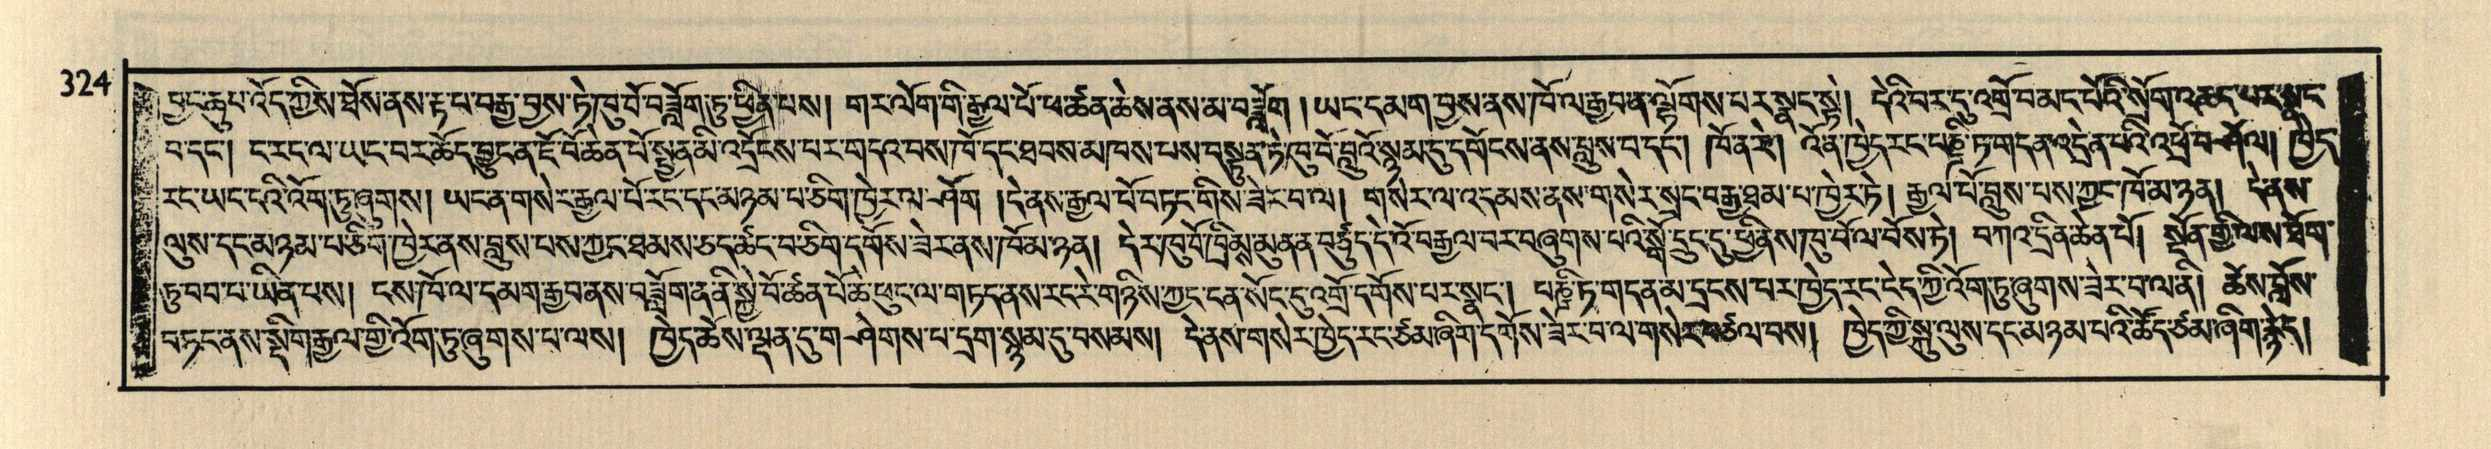བྱང་ཆུབ་འོད་ཀྱིས་ཐོས་ནས་རྟ་པ་བརྒྱ་བྱས་ཏེ་ཁུ་བོ་བཟློག་ཏུ་ཕྱིན་པས། གར་ལོག་གི་རྒྱལ་པོ་ཕ་ཚན་ཆེས་ནས་མ་བཟློག །ཡང་དམག་བྱས་ནས་ཁོ་ལ་རྒྱབ་ན་ལྷོགས་པར་སྣང་སྟེ། དེའི་བར་དུ་འགྲོ་བ་མང་པོའི་སྲོག་འཆད་པར་སྣང་
བ་དང་། ང་རང་ལ་ཡང་བར་ཆོད་བྱུང་ན་ཇོ་བོ་ཆེན་པོ་སྤྱན་མི་འདྲོངས་པར་དགའ་བས་ཁོ་དང་ཐབས་མཁས་པས་བསྟུན་ཏེ་ཁུ་བོ་བླུའི་སྙམ་དུ་དགོངས་ནས་བླུས་བ་དང་། ཁོ་ན་རེ། འོ་ན་ཁྱེད་རང་པཎྜི་ཏ་གདན་འདྲེན་པའི་འཕྲོ་བཤོལ། ཁྱེད་
རང་ཡང་ངའི་འོག་ཏུ་ཞུགས། ཡང་ན་གསེར་རྒྱལ་པོ་རང་དང་མཉམ་པ་ཅིག་ཁྱེར་ལ་ཤོག །དེ་ནས་རྒྱལ་པོ་བཏང་གིས་ཟེར་བ་ལ། གསེར་ལ་འདམས་ནས་གསེར་སྲང་བརྒྱ་ཐམ་པ་ཁྱེར་ཏེ། རྒྱལ་པོ་བླུས་པས་ཀྱང་ཁོ་མ་ཉན། དེ་ནས་
ལུས་དང་མཉམ་པ་ཅིག་ཁྱེར་ནས་བླུས་པས་ཀྱང་ཐམས་ཅད་ཚང་བ་ཅིག་དགོས་ཟེར་ནས་ཁོ་མ་ཉན། དེར་ཁུ་བོ་ཁྲིམས་མུན་ན་བཙུད་དེ་འོ་བརྒྱལ་བར་བཞུགས་པའི་སྒོ་དྲུང་དུ་ཕྱི་ནས་ཁུ་བོ་ལ་བོས་ཏེ། བཀའ་དྲིན་ཆེན་པོ། སྔོན་གྱི་ལས་ཐོག་
ཏུ་བབ་པ་ཡིན་པས། ངས་ཁོ་ལ་དམག་རྒྱབ་ནས་བཟློག་ན་ནི་སྐྱེ་བོ་ཚན་པོ་ཆེ་ཕུང་ལ་གཏད་ནས་རང་རེ་གཉིས་ཀྱང་ངན་སོང་དུ་འགྲོ་དགོས་པར་སྣང་། པཎྜི་ཏ་གདན་མ་དྲངས་པར་ཁྱེད་རང་ངེད་ཀྱི་འོག་ཏུ་ཞུགས་ཟེར་བ་ལ་ནི། ཆོས་བློས་
བཏང་ནས་སྡིག་རྒྱལ་གྱི་འོག་ཏུ་ཞུགས་པ་ལས། ཁྱེད་ཆོས་ལྡན་དུ་གཤེགས་པ་དྲག་སྙམ་དུ་བསམས། དེ་ནས་གསེར་ཁྱེད་རང་ཙམ་ཞིག་དགོས་ཟེར་བ་ལ་གསེར་བཙལ་བས། ཁྱེད་ཀྱི་སྐུ་ལུས་དང་མཉམ་པའི་ཚོད་ཙམ་ཞིག་རྙེད།